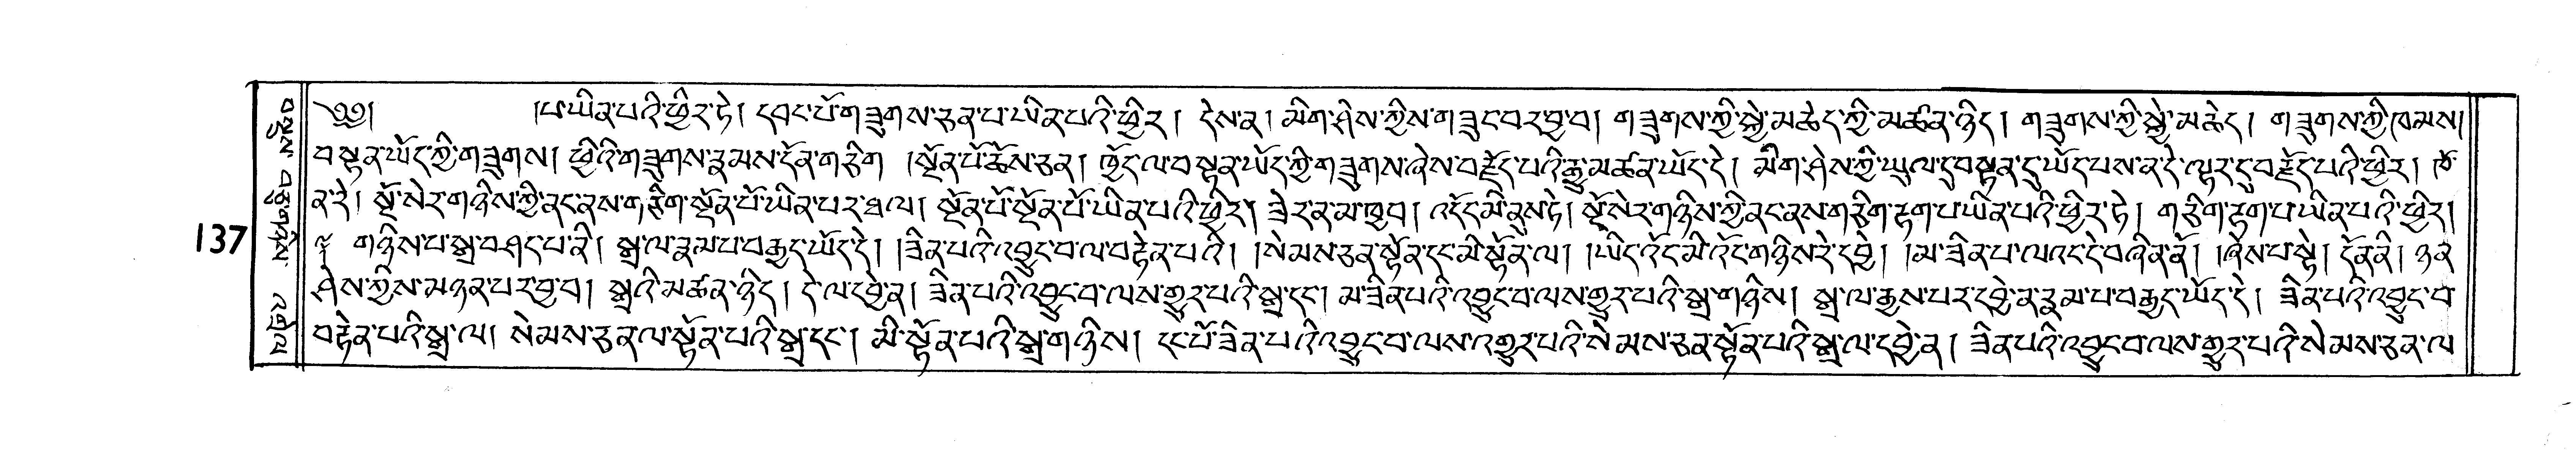༄༅། །པ་ཡིན་པའི་ཕྱིར་ཏེ། དབང་པོ་གཟུགས་ཅན་པ་ཡིན་པའི་ཕྱིར། དེས་ན། མིག་ཤེས་ཀྱིས་གཟུང་བར་བྱ་བ། གཟུགས་ཀྱི་སྐྱེ་མཆེད་ཀྱི་མཚན་ཉིད། གཟུགས་ཀྱི་སྐྱེ་མཆེད། གཟུགས་ཀྱི་ཁམས།
བསྟན་ཡོད་ཀྱི་གཟུགས། ཕྱིའི་གཟུགས་རྣམས་དོན་གཅིག །སྔོན་པོ་ཆོས་ཅན། ཁྱོད་ལ་བསྟན་ཡོད་ཀྱི་གཟུགས་ཞེས་བརྗོད་པའི་རྒྱུ་མཚན་ཡོད་དེ། མིག་ཤེས་ཀྱི་ཡུལ་དུ་བསྟན་དུ་ཡོད་པས་ན་དེ་ལྟར་དུ་བརྗོད་པའི་ཕྱིར། ཁོ་
ན་རེ། སྔོ་སེར་གཉིས་ཀྱི་ནང་ནས་གཅིག་སྔོན་པོ་ཡིན་པར་ཐལ། སྔོན་པོ་སྔོན་པོ་ཡིན་པའི་ཕྱིར། ཟེར་ན་མ་ཁྱབ། འདོད་མི་ནུས་ཏེ། སྔོ་སེར་གཉིས་ཀྱི་ནང་ནས་གཅིག་རྟག་པ་ཡིན་པའི་ཕྱིར་ཏེ། གཅིག་རྟག་པ་ཡིན་པའི་ཕྱིར།
༈ གཉིས་པ་སྒྲ་བཤད་པ་ནི། སྒྲ་ལ་རྣམ་པ་བརྒྱད་ཡོད་དེ། །ཟིན་པའི་འབྱུང་བ་ལ་བརྟེན་པའི། །སེམས་ཅན་སྟོན་དང་མི་སྟོན་ལ། །ཡིད་འོང་མི་འོང་གཉིས་རེ་དབྱེ། །མ་ཟིན་པ་ལའང་དེ་བཞིན་ནོ། །ཞེས་པ་སྟེ། དོན་ནི། ཉན་
ཤེས་ཀྱིས་མཉན་པར་བྱ་བ། སྒྲའི་མཚན་ཉིད། དེ་ལ་དབྱེ་ན། ཟིན་པའི་འབྱུང་བ་ལས་གྱུར་པའི་སྒྲ་དང་། མ་ཟིན་པའི་འབྱུང་བ་ལས་གྱུར་པའི་སྒྲ་གཉིས། སྒྲ་ལ་རྒྱས་པར་དབྱེ་ན་རྣམ་པ་བརྒྱད་ཡོད་དེ། ཟིན་པའི་འབྱུང་བ་
བརྟེན་པའི་སྒྲ་ལ། སེམས་ཅན་ལ་སྟོན་པའི་སྒྲ་དང་། མི་སྟོན་པའི་སྒྲ་གཉིས། དང་པོ་ཟིན་པའི་འབྱུང་བ་ལས་འགྱུར་པའི་སེམས་ཅན་སྟོན་པའི་སྒྲ་ལ་དབྱེ་ན། ཟིན་པའི་འབྱུང་བ་ལས་གྱུར་པའི་སེམས་ཅན་ལ་